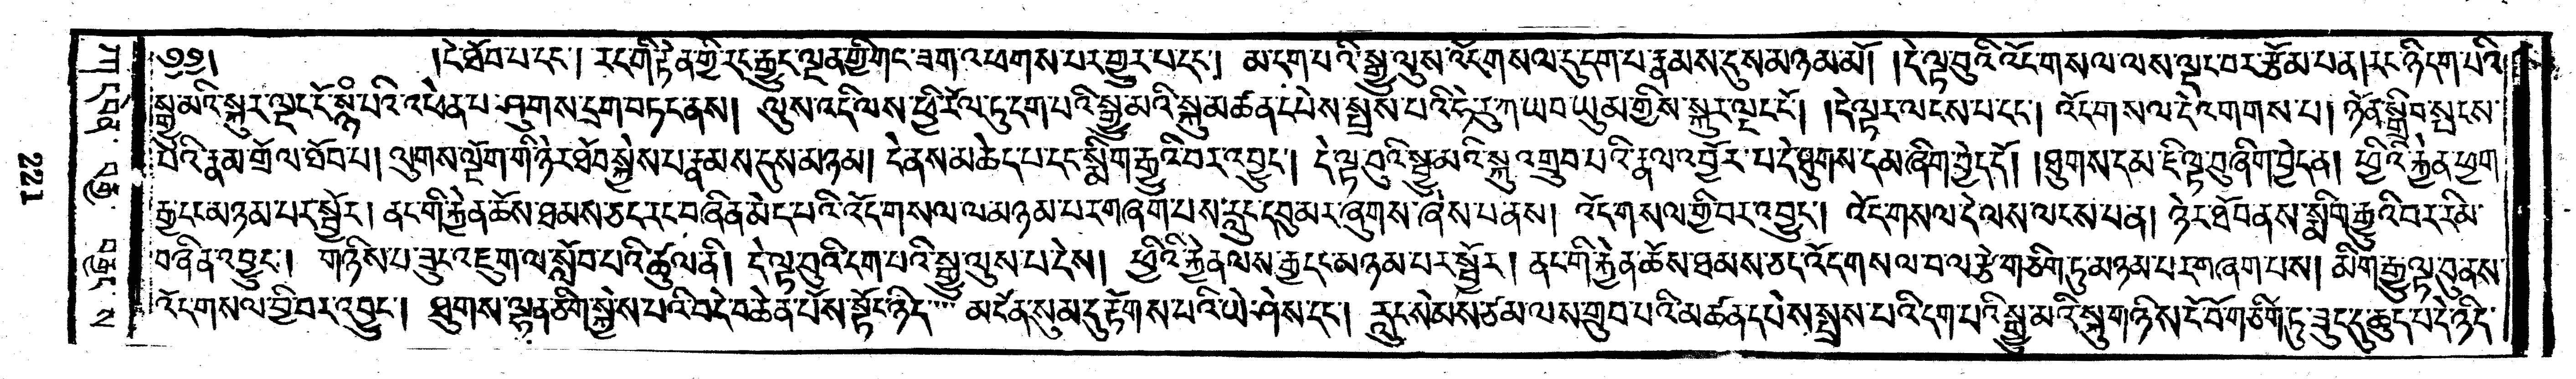༄༅། །དེ་ཐོབ་པ་དང་། རང་གི་རྟེན་གྱི་རང་རྒྱུད་ལྡན་གྱི་གང་ཟག་འཕགས་པར་གྱུར་པ་དང་། མ་དག་པའི་སྒྱུ་ལུས་འོད་གསལ་དུ་དག་པ་རྣམས་དུས་མཉམ་མོ། །དེ་ལྟ་བུའི་འོད་གསལ་ལས་ལྡང་བར་རྩོམ་པ་ན། རང་ཉི་དག་པའི་
སྒྱུ་མའི་སྐུར་ལྡང་ངོ་སྙཾ་པའི་འཕེན་པ་ཤུགས་དྲག་བཏང་ནས། ལུས་འདི་ལས་ཕྱི་རོལ་ཏུ་དག་པའི་སྒྱུ་མའི་སྐུ་མཚན་དཔེས་སྤྲས་པའི་ཧེ་རུ་ཀ་ཡབ་ཡུམ་གྱིས་སྐུར་ལྡང་ངོ། །དེ་ལྟར་ལངས་པ་དང་། འོད་གསལ་དེ་འགགས་པ། ཉོན་སྒྲིབ་སྤངས་
པའི་རྣམ་གྲོལ་ཐོབ་པ། ལུགས་ལྡོག་གི་ཉེར་ཐོབ་སྐྱེས་པ་རྣམས་དུས་མཉམ། དེ་ནས་མཆེད་པ་དང་སྨིག་རྒྱུའི་བར་འབྱུང་། དེ་ལྟ་བུའི་སྒྱུ་མའི་སྐུ་འགྲུབ་པའི་རྣལ་འབྱོར་པ་དེ་ཐུགས་དམ་ཞིག་བྱེད་དོ། །ཐུགས་དམ་ཇི་ལྟ་བུ་ཞིག་བྱེད་ན། ཕྱིའི་རྐྱེན་ཕྱག་
རྒྱ་དང་མཉམ་པར་སྦྱོར། ནང་གི་རྐྱེན་ཆོས་ཐམས་ཅད་རང་བཞིན་མེད་པའི་འོད་གསལ་ལ་མཉམ་པར་གཞག་པས་རླུང་དབུ་མར་ཞུགས་ཞེས་པ་ནས། འོད་གསལ་གྱི་བར་འབྱུང་། འོད་གསལ་དེ་ལས་ལངས་པ་ན། ཉེར་ཐོབ་ནས་སྨིག་རྒྱུའི་བར་རིམ་
བཞིན་འབྱུང་། གཉིས་པ་ཟུང་འཇུག་ལ་སློབ་པའི་ཚུལ་ནི། དེ་ལྟ་བུའི་དག་པའི་སྒྱུ་ལུས་པ་དེས། ཕྱིའི་རྐྱེན་ལས་རྒྱ་དང་མཉམ་པར་སྦྱོར། ནང་གི་རྐྱེན་ཆོས་ཐམས་ཅད་འོད་གསལ་བ་ལ་རྩེ་གཅིག་ཏུ་མཉམ་པར་གཞག་པས། མིག་རྒྱུ་ལྟ་བུ་ནས་
འོད་གསལ་གྱི་བར་འབྱུང་། ཐུགས་ལྷན་ཅིག་སྐྱེས་པའི་བདེ་བ་ཆེན་པོས་སྟོང་ཉིད་མངོན་སུམ་དུ་རྟོགས་པའི་ཡེ་ཤེས་དང་། རླུང་སེམས་ཙམ་ལས་གྲུབ་པའི་མཚན་དཔེ་ས་སྤྲས་པའི་དག་པའི་སྒྱུ་མའི་སྐུ་གཉིས་ངོ་བོ་གཅིག་ཏུ་ཟུང་དུ་ཆུད་པ་དེ་ཉིད་